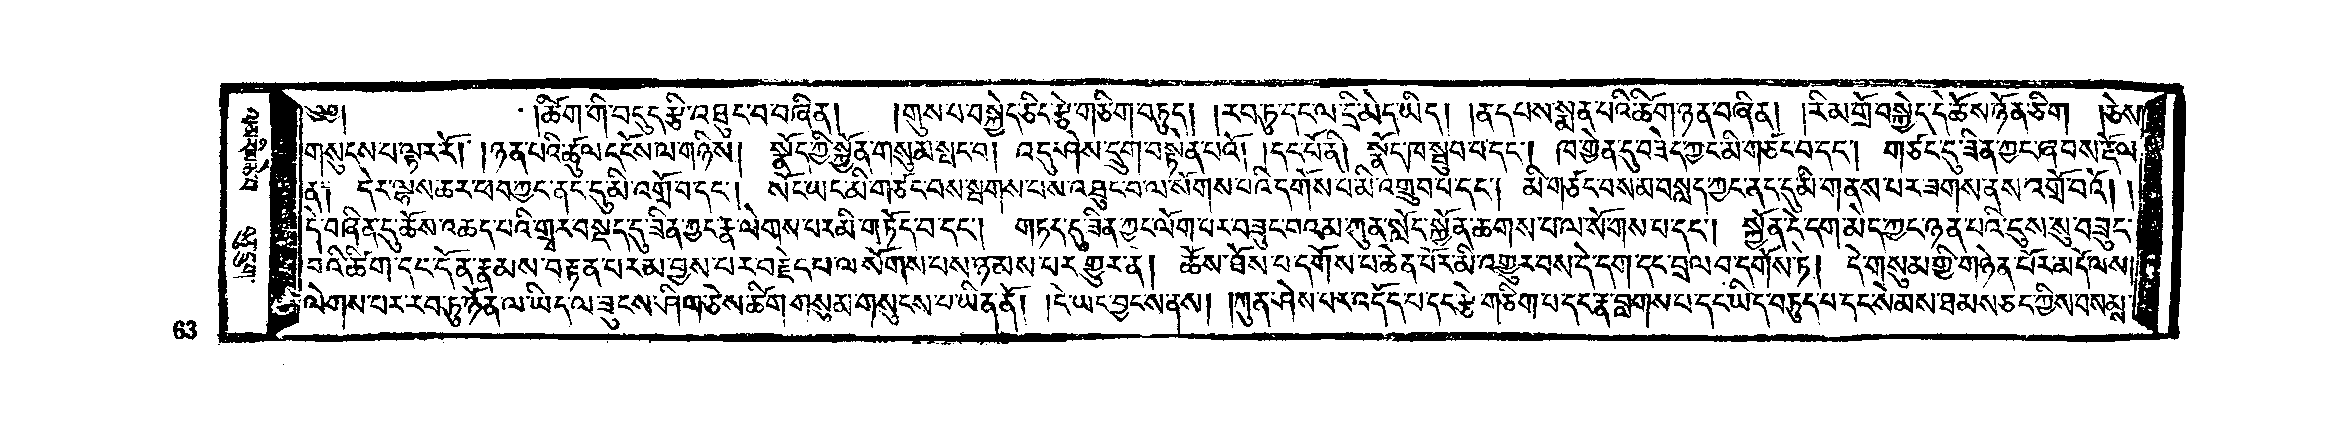༄༅། །ཚིག་གི་བདུད་རྩི་འཐུང་བ་བཞིན། །གུས་པ་བསྐྱེད་ཅིང་རྩེ་གཅིག་བཏུད། །རབ་ཏུ་དང་ལ་དྲི་མེད་ཡིད། །ནད་པས་སྨན་པའི་ཚིག་ཉན་བཞིན། །རིམ་གྲོ་བསྐྱེད་དེ་ཆོས་ཉོན་ཅིག །ཅེས་
གསུངས་པ་ལྟར་རོ། །ཉན་པའི་ཚུལ་དངོས་ལ་གཉིས། སྣོད་ཀྱི་སྐྱོན་གསུམ་སྤང་བ། འདུ་ཤེས་དྲུག་བསྟེན་པའོ། །དང་པོ་ནི། སྣོད་ཁ་སྦུབ་པ་དང་། ཁ་གྱེན་དུ་བཟེད་ཀྱང་མི་གཙང་བ་དང་། གཙང་དུ་ཟིན་ཀྱང་ཞབས་རྡོལ་
ན༑ དེར་ལྷས་ཆར་ཕབ་ཀྱང་ནང་དུ་མི་འགྲོ་བ་དང་། སོང་ཡང་མི་གཙང་བས་སྦགས་པས་འཐུང་བ་ལ་སོགས་པའི་དགོས་པ་མི་འགྲུབ་པ་དང་། མི་གཙང་བས་མ་བསླད་ཀྱང་ནང་དུ་མི་གནས་པར་ཟགས་ནས་འགྲོ་བའོ། །
དེ་བཞིན་དུ་ཆོས་འཆད་པའི་གྲྭར་བསྡད་དུ་ཟིན་ཀྱང་རྣ་ལེགས་པར་མི་གཏོད་པ་དང་། གཏད་དུ་ཟིན་ཀྱང་ལོག་པར་བཟུང་བའམ་ཀུན་སློང་སྐྱོན་ཆགས་པ་ལ་སོགས་པ་དང་། སྐྱོན་དེ་དག་མེད་ཀྱང་ཉན་པའི་དུས་སུ་བཟུང་
བའི་ཚིག་དང་དོན་རྣམས་བརྟན་པར་མ་བྱས་པར་བརྗེད་པ་ལ་སོགས་པས་ཉམས་པར་གྱུར་ན། ཆོས་ཐོས་པ་དགོས་པ་ཆེན་པོར་མི་འགྱུར་བས་དེ་དག་དང་བྲལ་བ་དགོས་ཏེ། དེ་གསུམ་གྱི་གཉེན་པོར་མདོ་ལས།
ལེགས་པར་རབ་ཏུ་ཉོན་ལ་ཡིད་ལ་ཟུངས་ཤིག་ཅེས་ཚིག་གསུམ་གསུངས་པ་ཡིན་ནོ། །དེ་ཡང་བྱང་ས་ནས། ཀུན་ཤེས་པར་འདོད་པ་དང་རྩེ་གཅིག་པ་དང་རྣ་བླགས་པ་དང་ཡིད་བཏུད་པ་དང་སེམས་ཐམས་ཅད་ཀྱིས་བསམས་